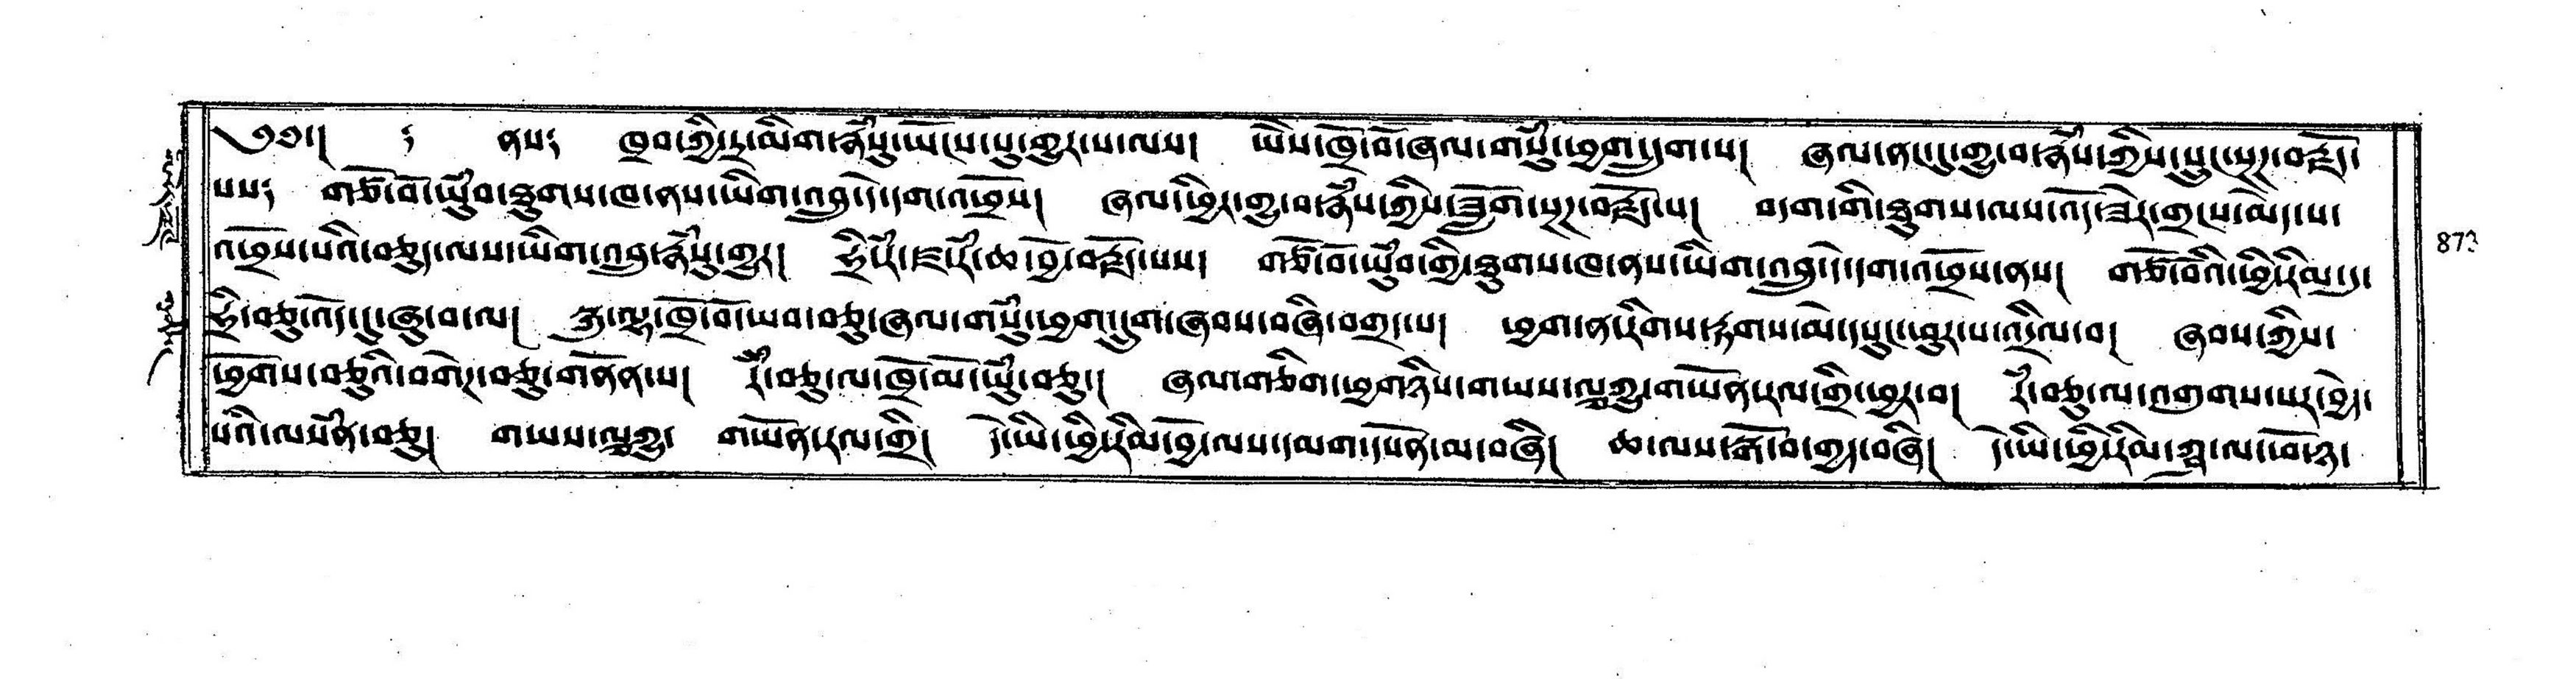ནས། ཁྲབ་ཀྱི་དྲ་མིག་རྣམས་སུ་ཡོངས་སུ་གྱུར་པ་ལས། ཡེ་ཤེས་ཁྲོ་བོ་ཞལ་གསུམ་ཕྱག་དྲུག་པ། ཞལ་ནང་དུ་གྱུ་བ་རྣམས་ཀྱིས་སྲུང་སྔགས་བརྗོད་
པས། གཙོ་བོ་ཡབ་ཡུམ་ཐུགས་ཁ་ནས་ཡིག་འབྲུ་དེ་དག་འཕྲོས། ཞལ་ཕྱིར་གྱུ་བ་རྣམས་ཀྱིས་ཟློག་སྔགས་བརྗོད་པ། བདག་གི་ཐུགས་ལས་འོད་ཟེར་གྲངས་མེད་པ་
འཕྲོས་པའི་བཅུད་ལས་ཡིག་འབྲུ་རྣམས་སུ་གྱུར། ཧྲི་རཾ་ཛ་རཾ་ཆ་བྱོ་བརྗོད་པས། གཙོ་བོ་ཡབ་ཡུམ་གྱི་ཐུགས་ཁ་ནས་ཡིག་འབྲུ་དེ་དག་འཕྲོས་ནས། གཙོ་བོའི་ཕྱི་རིམ་དུ་
ཧྲི་བཅུ་འོད་དུ་ཞུ་བ་ལ། སྐུ་ལྷ་ཁྲོ་བོ་ཡབ་བཅུ་ཞལ་གསུམ་ཕྱག་དྲུག་ཞབས་བཞི་བགྲད་པ། ཕྱག་ན་རིགས་རྟགས་མེ་དཔུང་ཕུར་པ་འདྲིལ་བ། ཞབས་ཀྱིས་
ཕྱོགས་བཅུའི་བགེགས་བཅུ་གནོན་པ། རཾ་བཅུ་ལ་ཁྲོ་མོ་ཡུམ་བཅུ། ཞལ་གཅིག་ཕྱག་གཉིས་གཡས་ལྕག་ཀྱུ་གཡོན་རལ་གྲི་ཕྱར་བ། རཾ་བཅུ་ལ་འགུགས་པར་བྱེད་
པའི་ལས་མཁན་བཅུ། གཡས་ལྕག་ཀྱུ་གཡོན་རལ་གྲི། དེ་ཡི་ཕྱི་རིམ་བྱོ་ལས་དམག་དཔོན་མ་བཞི། ཆ་ལས་སྒོ་བ་གྱད་བཞི། དེ་ཡི་ཕྱི་རིམ་ཀྴ་ལ་ཕོ་ཉ་